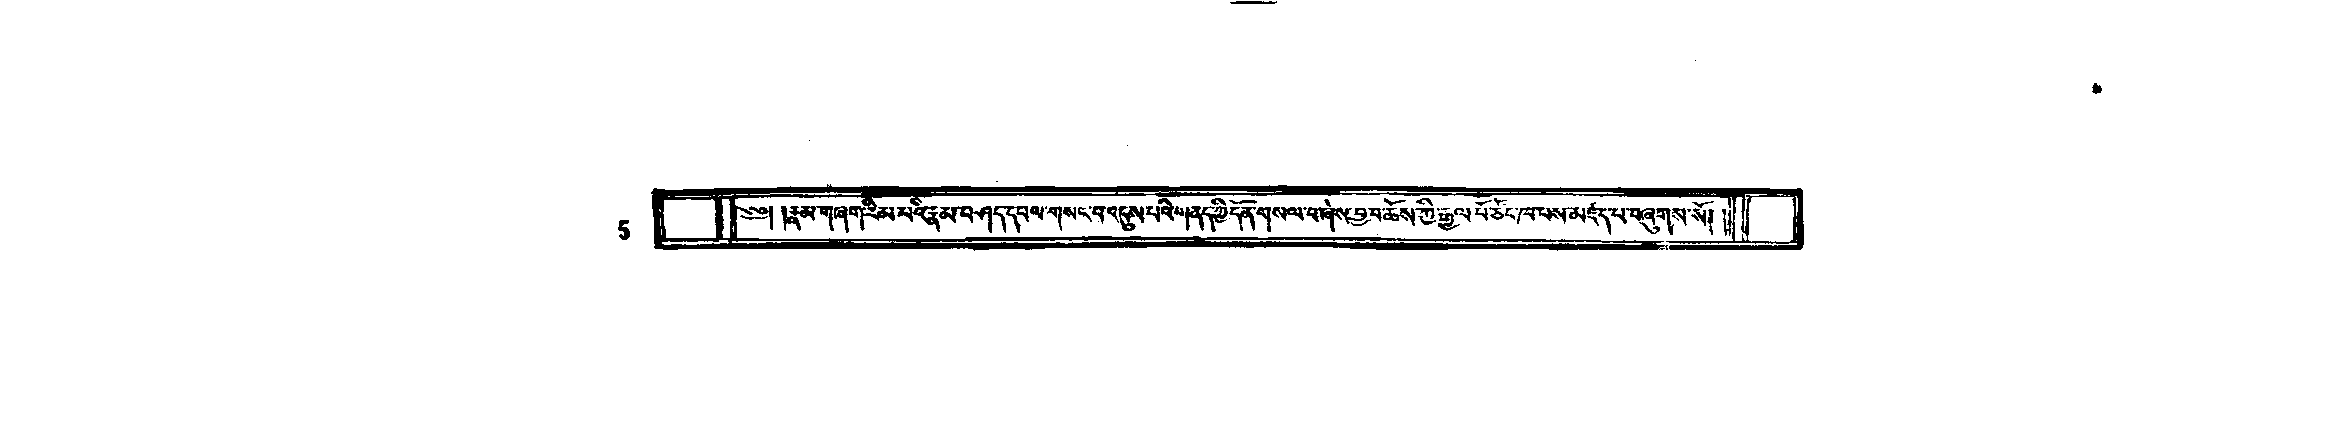?༄༅། ཤེལ་ཆོས།?
༄༅། །རྣམ་གཞག་རིམ་པའི་རྣམ་བཤད་དཔལ་གསང་བ་འདུས་པའི་གནད་ཀྱི་དོན་གསལ་བ་ཞེས་བྱ་བ་ཆོས་ཀྱི་རྒྱལ་པོ་ཙོང་ཁ་པས་མཛད་པ་བཞུགས་སོ། །